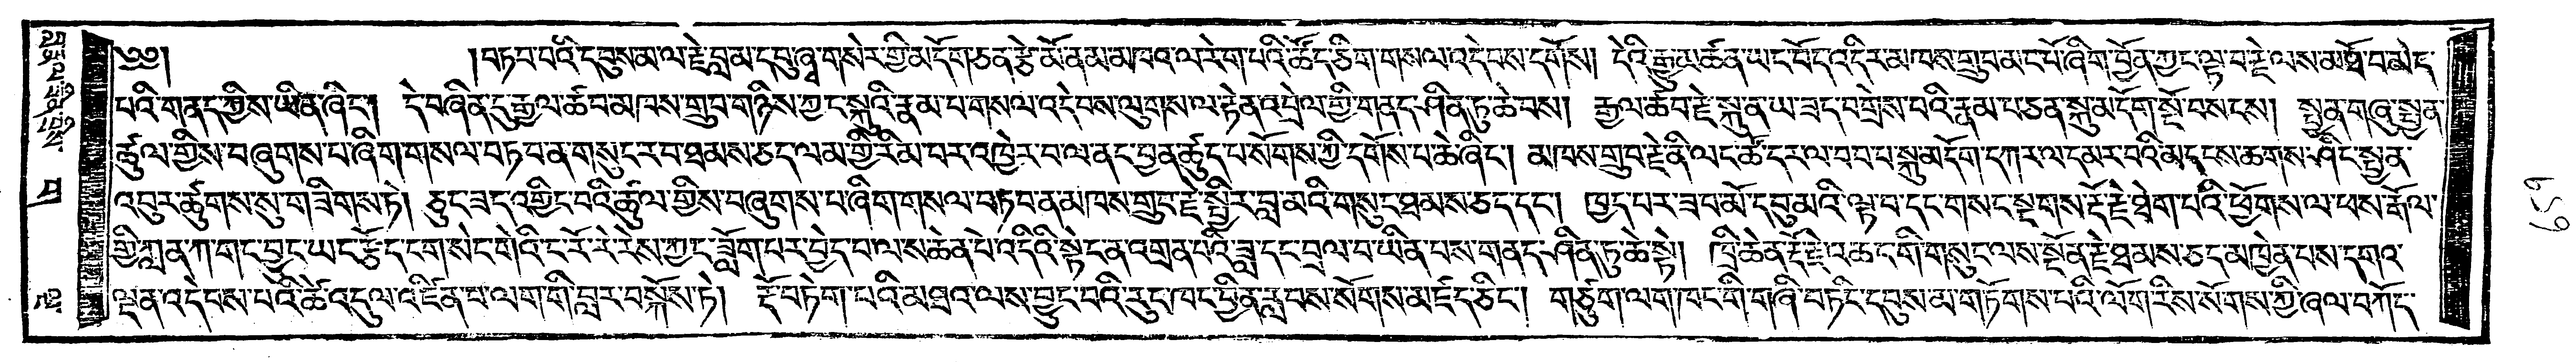༄༅། །བཏབ་པའི་དབུས་མ་ལ་རྗེ་བླ་མ་དབུ་ཞྭ་གསེར་གྱི་མདོག་ཅན་རྩེ་མོ་ནམ་མཁའ་ལ་རེག་པའི་ཚོད་ཅིག་གསལ་འདེབས་དགོས། དེའི་རྒྱུ་མཚན་ཡང་བོད་འདིར་མཁས་གྲུབ་མང་པོ་ཞིག་བྱོན་ཀྱང་ལྟ་བ་རྗེ་ལས་མཐོ་བ་མེད་
པའི་གནང་ཀྱིས་ཡིན་ཞིང་། དེ་བཞིན་དུ་རྒྱལ་ཚབ་མཁས་གྲུབ་གཉིས་ཀྱང་སྐུའི་རྣམ་པ་གསལ་འདེབས་ལུགས་ལ་རྟེན་འབྲེལ་གྱི་གནད་ཤིན་ཏུ་ཆེ་བས། རྒྱལ་ཚབ་རྗེ་སྐུན་ཡ་ཟད་བགྲེས་པའི་རྣམ་པ་ཅན་སྐུ་མདོག་སྔོ་བསངས། སྤྱན་གཞུ་སྤྱན་
ཚུལ་གྱིས་བཞུགས་པ་ཞིག་གསལ་བཏབ་ན་གསུང་རབ་ཐམས་ཅད་ལམ་གྱི་རིམ་པར་འཁྱེར་བ་ལ་ནང་བྱན་ཚུད་པ་སོགས་ཀྱི་དགོས་པ་ཆེ་ཞིང་། མཁས་གྲུབ་རྗེ་ནི་ལང་ཚེ་དར་ལ་བབ་པ་སྐུ་མདོག་དཀར་ལ་དམར་བའི་མདངས་ཆགས་ཤིང་སྤྱན་
འབུར་ཚུགས་སུ་གཟིགས་ཏེ། ཅུང་ཟད་འགྱིང་བའི་ཚུལ་གྱིས་བཞུགས་བ་ཞིག་གསལ་བཏབ་ན་མཁས་གྲུབ་རྗེ་སྤྱིར་བླ་མའི་གསུང་ཐམས་ཅད་དང་། ཁྱད་པར་ཟབ་མོ་དབུ་མའི་ལྟ་བ་དང་གསང་སྔགས་རྡོ་རྗེ་ཐེག་པའི་ཕྱོགས་ལ་ཕས་རྒོལ་
གྱི་ཀླན་ཀ་གང་བྱུང་ཡང་རྩོད་ངག་སེང་གེའི་ང་རོ་རེ་རེས་ཀྱང་ཟློག་པར་བྱེད་བ་ལས་ཆེན་པོ་འདིའི་སྟེང་ན་འགྲན་པའི་ཟླ་དང་བྲལ་བ་ཡིན་པས་གནད་ཤིན་ཏུ་ཆེ་སྟེ། ཁྲི་ཆེན་རྡོ་རྗེ་འཆང་གི་གསུང་ལས་སྔོན་རྗེ་ཐམས་ཅད་མཁྱེན་པས་དགའ་
ལྡན་འདེབས་པའི་ཚེ་འདུལ་འཛིན་པ་ལག་གི་བླར་བསྐོས་ཏེ། རྡོ་བཏེག་པའི་མཐའ་ལས་བྱུང་བའི་རུང་ཁང་བྱན་རླབས་སོགས་མཛད་ཅིང་། གཙུག་ལག་ཁང་གི་གཞི་བཏིང་དབུས་མ་གཏོགས་པའི་ལོག་རིས་སོགས་ཀྱི་ཞལ་བཀོད་